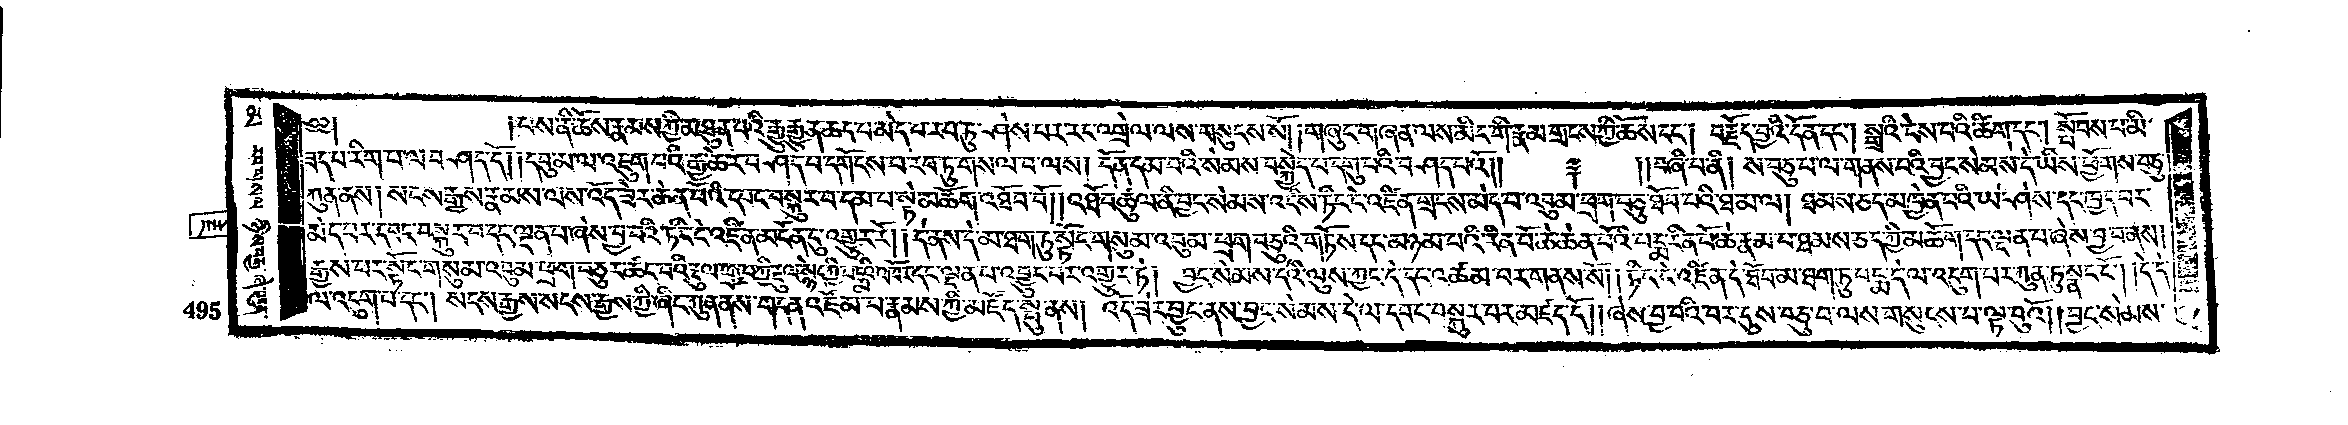༄༅། །པས་ནི་ཆོས་རྣམས་ཀྱི་མཐུན་པའི་རྒྱུ་རྒྱུན་ཆད་པ་མེད་པ་རབ་ཏུ་ཤེས་པར་རང་འགྲེལ་ལས་གསུངས་སོ། །གཞུང་གཞན་ལས་མིང་གི་རྣམ་གྲངས་ཀྱི་ཆོས་དང་། བརྗེད་བྱའི་དོན་དང་། སྒྲའི་ངེས་པའི་ཚིག་དང་། སྤོབས་པ་མི་
ཟད་པ་རིག་པ་ལ་བཤད་དོ། །དབུ་མ་ལ་འཇུག་པའི་རྒྱ་ཆེར་བཤད་པ་དགོངས་པ་རབ་ཏུ་གསལ་བ་ལས། དོན་དམ་པའི་སེམས་བསྐྱེད་པ་དགུ་པའི་བཤད་པའོ།། ༈ །།བཞི་པ་ནི། ས་བཅུ་པ་ལ་གནས་པའི་བྱང་སེམས་དེ་ཡིས་ཕྱོགས་བཅུ་
ཀུན་ནས། སངས་རྒྱས་རྣམས་ལས་འོད་ཟེར་ཆེན་པོའི་དབང་བསྐུར་བ་དམ་པ་སྟེ་མཆོག་འཐོབ་བོ། །འཐོབ་ཚུལ་ནི་བྱང་སེམས་འདིས་ཏིང་ངེ་འཛིན་གྲངས་མེད་པ་འབུམ་ཕྲག་བཅུ་ཐོབ་པའི་ཐ་མ་ལ། ཐམས་ཅད་མཁྱེན་པའི་ཡེ་ཤེས་དང་ཁྱད་པར་
མེད་པར་དབང་བསྐུར་བ་དང་ལྡན་པ་ཞེས་བྱ་བའི་ཏིང་ངེ་འཛིན་མངོན་དུ་འགྱུར་རོ། །དེ་ནས་དེ་མ་ཐག་ཏུ་སྟོང་གསུམ་འབུམ་ཕྲག་བཅུའི་གཏོས་དང་མཉམ་པའི་རིན་པོ་ཆེ་ཆེན་པོའི་པདམ་རིན་པོ་ཆེ་རྣམ་པ་ཐམས་ཅད་ཀྱི་མཆོག་དང་ལྡན་པ་ཞེས་བྱ་བ་ནས།
རྒྱས་པར་སྟོང་གསུམ་འབུམ་ཕྲག་བཅུར་ཚད་པའི་རྡུལ་ཕྲ་རབ་ཀྱི་རྡུལ་སྙེད་ཀྱི་པདམའི་འཁོར་དང་ལྡན་པ་འབྱུང་བར་འགྱུར་ཏེ། བྱང་སེམས་དེའི་ལུས་ཀྱང་དེ་དང་འཚམ་པར་གནས་སོ། །ཏིང་ངེ་འཛིན་དེ་ཐོབ་མ་ཐག་ཏུ་པདམ་དེ་ལ་འདུག་པར་ཀུན་ཏུ་སྣང་ངོ། །དེ་དེ་
ལ་འདུག་པ་དང་། སངས་རྒྱས་སངས་རྒྱས་ཀྱི་ཞིང་ཀུན་ནས་གདན་འཛོམ་པ་རྣམས་ཀྱི་མཛོད་སྤུ་ནས། འོད་ཟེར་བྱུང་ནས་བྱང་སེམས་དེ་ལ་དབང་བསྐུར་བར་མཛད་དོ། །ཞེས་བྱ་བའི་བར་དུ་ས་བཅུ་པ་ལས་གསུངས་པ་ལྟ་བུའོ། །བྱང་སེམས་